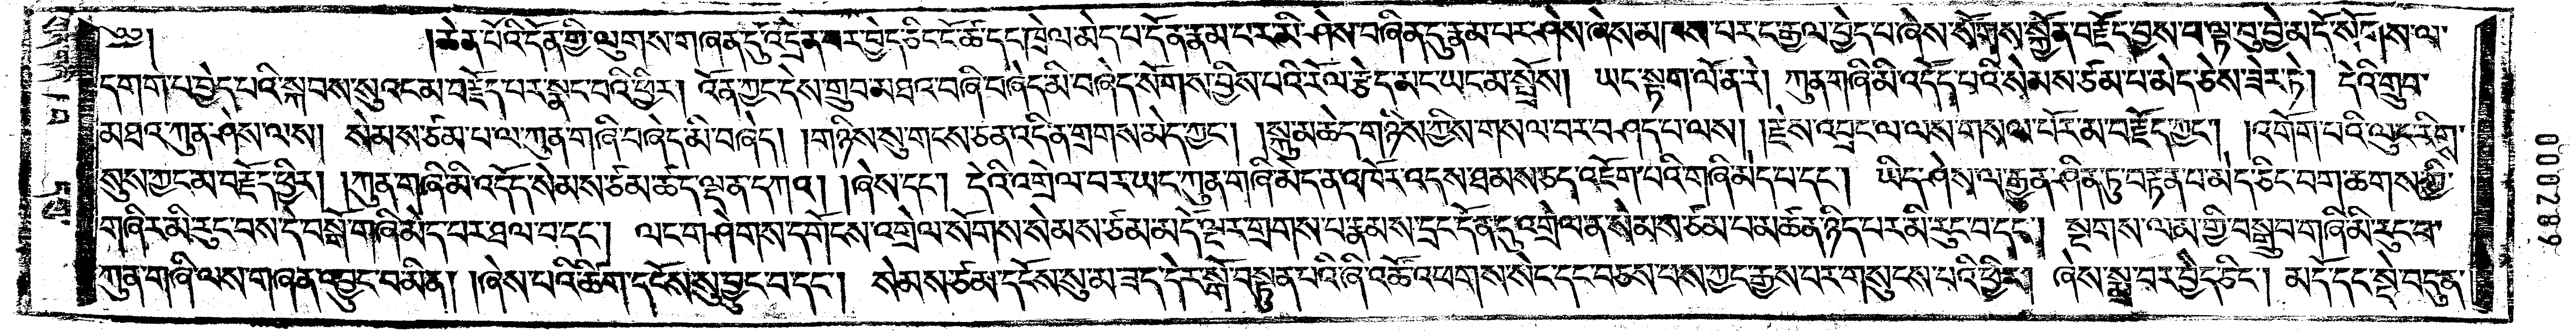༄༅། །ཆེན་པོའི་དོན་གྱི་ལུགས་གཞན་དུ་འདྲེན་པར་བྱེད་ཅིང་ངོ་ཚ་དང་ཁྲེལ་མེད་པ་དོན་རྣམ་བར་མི་ཤེས་བཞིན་དུ་རྣམ་པར་ཤེས་ཞེས་མཁས་པར་ང་རྒྱལ་བྱེད་པ་ཞེས་སོགས་སྐྱོན་བརྗོད་བྱས་པ་ལྟ་བུ་བྱེ་མདོ་སེགས་ལ་
དགག་པ་བྱེད་པའི་སྐབས་སུའང་མ་བརྗོད་པར་སྣང་བའི་ཕྱིར། འོན་ཀྱང་དེས་གྲུབ་མཐའ་བཞི་བཞེད་མི་བཞེད་སོགས་བྱིས་པའི་རོལ་རྩེད་མང་ཡང་མ་སྤྲོས། ཡང་སྟག་ལོ་ན་རེ། ཀུན་གཞི་མི་འདོད་པའི་སེམས་ཅམ་པ་མེད་ཅེས་ཟེར་ཏེ། དེའི་གྲུབ་
མཐའ་ཀུན་ཤེས་ལས། སེམས་ཙམ་པ་ལ་ཀུན་གཞི་བཞེད་མི་བཞེད། །གཉིས་སུ་གངས་ཅན་འདི་ན་གྲགས་མེད་ཀྱང་། །སྐུ་མཆེད་གཉིས་ཀྱིས་གསལ་བར་བཤད་པ་ལས། །རྗེས་འབྲང་ལ་ལས་གསལ་པོར་མ་བརྗོད་ཀྱང་། །འགོག་པའི་ལུང་རིགས་
སུས་ཀྱང་མ་བརྗོད་ཕྱིར། །ཀུན་གཞི་མི་འདོད་སེམས་ཙམ་ཚད་ལྡན་དཀའ། །ཞེས་དང་། དེའི་འགྲེལ་བར་ཡང་ཀུན་གཞི་མེད་ན་འཁོར་འདས་ཐམས་ཅད་འཇོག་བའི་གཞི་མེད་པ་དང་། ཡིད་ཤེས་ལ་རྒྱུན་ཤིན་ཏུ་བརྟན་པ་མེད་ཅིང་བག་ཆགས་ཀྱི་
གཞིར་མི་རུང་བས་དེ་བསྒོ་གཞི་མེད་བར་ཐལ་བ་དང་། ལང་གཤེགས་དགོངས་འགྲེལ་སོགས་སེམས་ཙམ་མདོ་ལྔར་གྲགས་པ་རྣམས་དྲང་དོན་དུ་འགྲེལ་ན་སེམས་ཙམ་པ་མཚན་ཉིད་པར་མི་རུང་བ་དང་། སྔགས་ལམ་གྱི་བསྒྲུབ་གཞི་མི་རུང་བ་
ཀུན་གཞི་ལས་གཞན་འབྱུང་བ་མིན། །ཞེས་པའི་ཚིག་དངོས་སུ་བྱུང་བ་དང་། སེམས་ཙམ་དངོས་སུ་མ་ཟད་དེར་སྒོ་བསྟུན་པའི་ཞི་འཚོ་འཕགས་སེང་དང་བཅས་པས་ཀྱང་རྒྱས་པར་གསུངས་པའི་ཕྱིར། ཞེས་སྨྲ་བར་བྱེད་ཅིང་། མདོ་དང་སྡེ་བདུན་